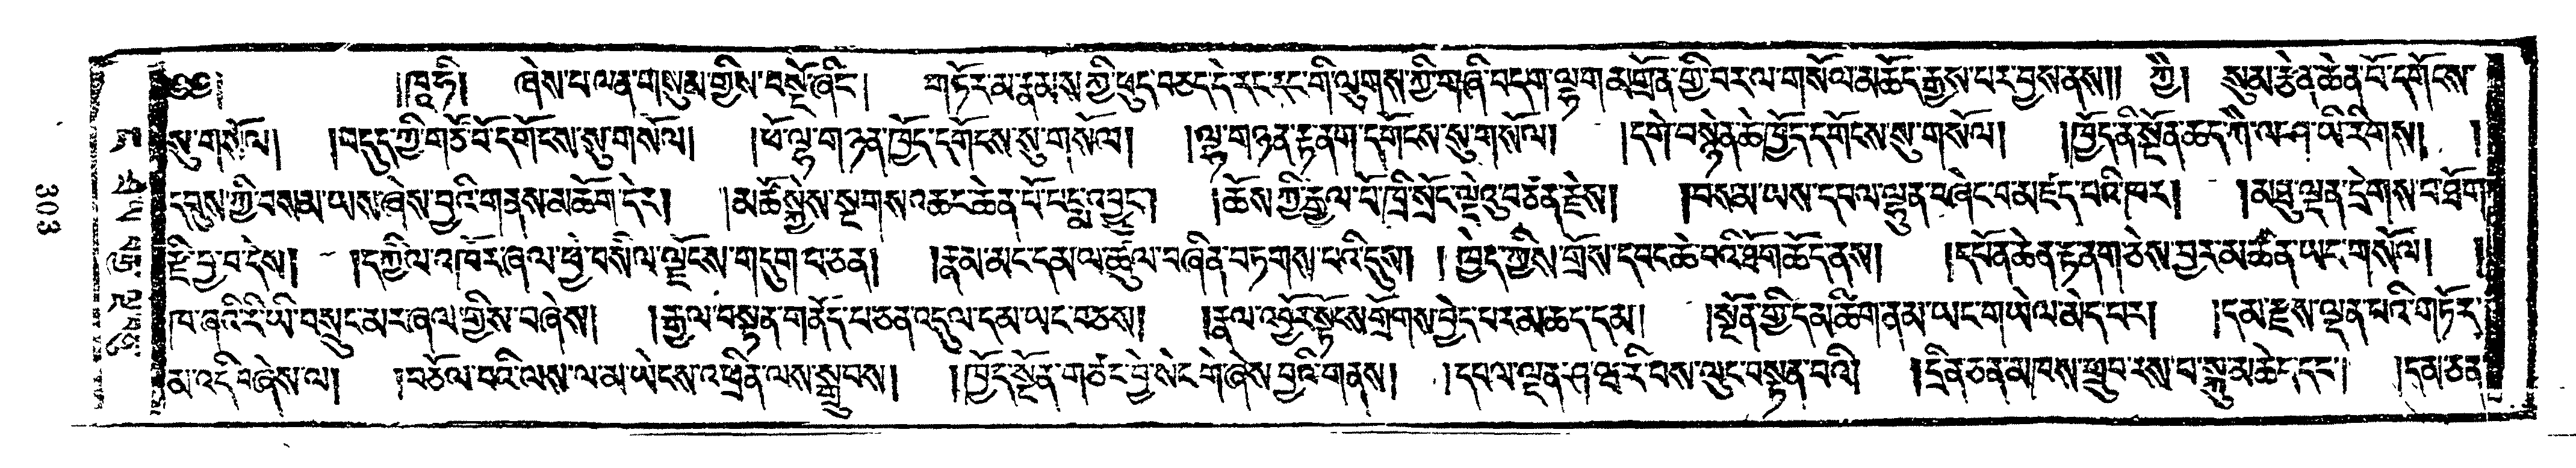༄༅། །ཁཱ་ཧི། ཞེས་པ་ལན་གསུམ་གྱིས་བསྔོ་ཞིང་། གཏོར་མ་རྣམས་ཀྱི་ཕུད་བཅད་དེ་རང་རང་གི་ལུགས་ཀྱི་གཞི་བདག་ལྷག་མགྲོན་གྱི་བར་ལ་གསོལ་མཆོད་རྒྱས་པར་བྱས་ནས།། ཀྱཻ། སུམ་རྩེན་ཆེན་པོ་དགོངས་
སུ་གསོལ། །བདུད་ཀྱི་གཙོ་བོ་དགོངས་སུ་གསོལ། །ཕོ་ལྷ་གཉན་ཁྱོད་དགོངས་སུ་གསོལ། །ལྷ་གཉན་རྟ་ནག་དགོངས་སུ་གསོལ། །དགེ་བསྙེན་ཆེ་ཁྱོད་དགོངས་སུ་གསོལ། །ཁྱོད་ནི་སྔོན་ཆད་ཀཻ་ལ་ཤ་ཡི་རིགས། །
དབུས་ཀྱི་བསམ་ཡས་ཞེས་བྱའི་གནས་མཆོག་དེར། །མཚོ་སྐྱེས་སྔགས་འཆང་ཆེན་པོ་པདམ་འབྱུང་། །ཆོས་ཀྱི་རྒྱལ་པོ་ཁྲི་སྲོང་ལྡེའུ་བཙན་རྗེས། །བསམ་ཡས་དཔལ་ལྷུན་བཞེང་བ་མཛད་པའི་ཁར། །མཐུ་ལྡན་དྲེགས་པ་ཐོག་
རྫི་བྱ་བ་དེས། །དཀྱིལ་འཁོར་ཞལ་ཕྱེ་བསིལ་ལྗོངས་གདུག་པ་ཅན། །རྣམ་མང་དམ་ལ་ཚུལ་བཞིན་བཏགས་པའི་དུས། །ཁྱེད་ཀྱིས་གྲོས་དབང་ཆེ་བའི་ཐོག་ཆོད་ནས། །དཔོན་ཆེན་རྟ་ནག་ཅེས་བྱར་མཚན་ཡང་གསོལ།།
ཁ་ཞའི་རི་ཡི་བསྲུང་མར་ཞལ་གྱིས་བཞེས། །རྒྱལ་བསྟན་གནོད་པ་ཅན་འདུལ་དམ་ཡང་བཅས། །རྣལ་འབྱོར་སྟོངས་གྲོགས་བྱེད་པར་མ་ཆད་དམ། །སྔོན་གྱི་དམ་ཚིག་ནམ་ཡང་གཡེལ་མེད་པར། །དམ་རྫས་ལྡན་པའི་གཏོར་
མ་འདི་བཞེས་ལ། །བཅོལ་བའི་ལས་ལ་མ་ཡེངས་འཕྲིན་ལས་སྒྲུབས། །ཁྱོད་སྔོན་གཙང་བྱེ་སེང་གེ་ཞེས་བྱའི་གནས། །དཔལ་ལྡན་ཤ་ཝ་རི་བས་ལུང་བསྟན་པའི། །དྲིན་ཅན་མཁས་གྲུབ་རས་པ་སྐུ་མཆེད་དང་། །དམ་ཅན་